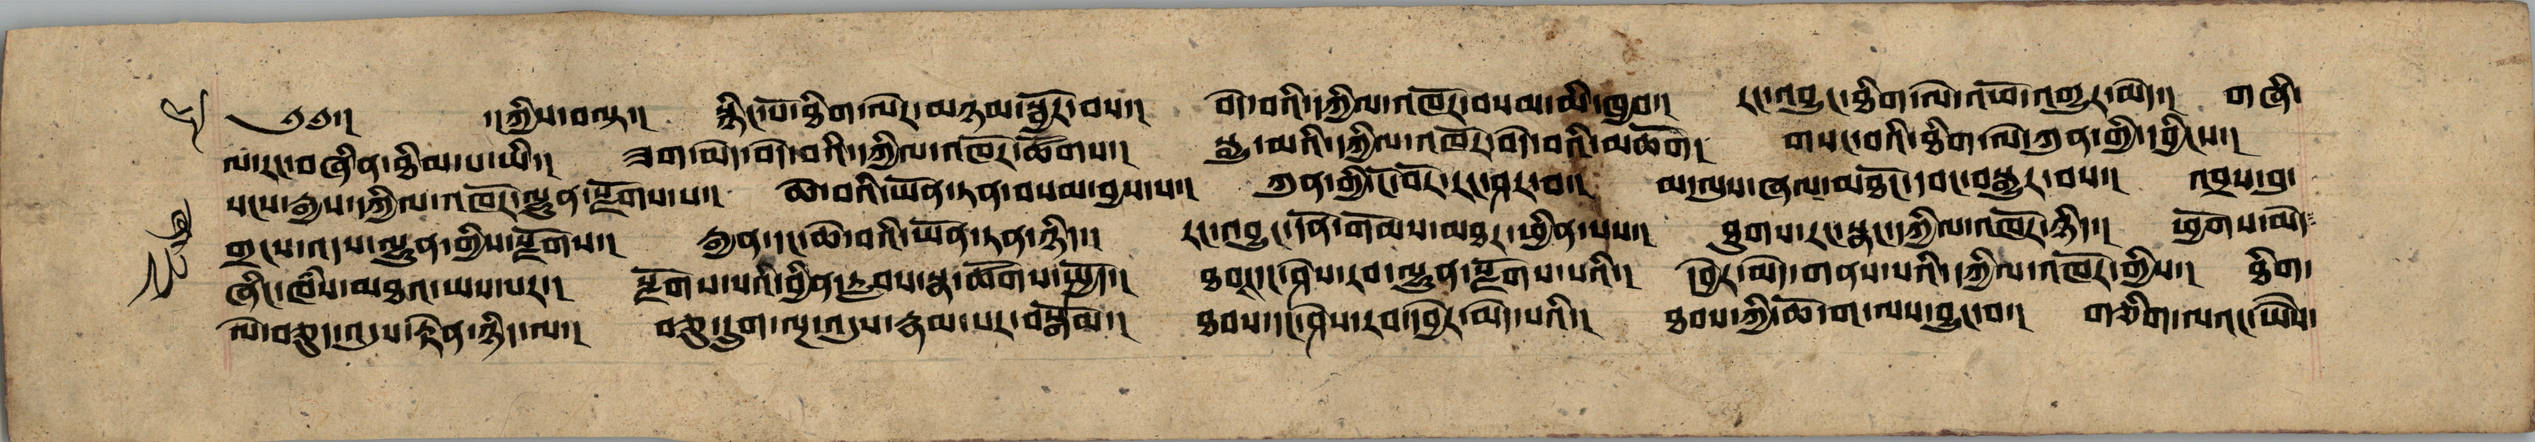༄༅་། ་།ཀྱིས་བལྟ་། སྙིང་པོ་ཐིག་ལེར་མཉམ་སྦྱོར་བས་། བདེ་བའི་དཀྱིལ་འཁོར་བསམ་མི་ཁྱབ་། རང་འབྱུང་ཐིག་ལེ་འཕོ་འགྱུར་མེད་། གཞི་
ལ་རང་བཞིན་ཐིམ་པ་ཡི་། ཟག་མེད་བདེ་བའི་དཀྱིལ་འཁོར་ཚོགས་། སྒྱུ་མའི་དཀྱིལ་འཁོར་བདེ་བའི་མཆོག། གསང་བའི་ཐིག་ལེ་ཀུན་གྱི་དབྱིངས་།
སངས་རྒྱས་དཀྱིལ་འཁོར་ལྷུན་སྫོགས་པ་། ཆེ་བའི་ཡོན་ཏན་བསམ་བྱས་པ་། ཀུན་གྱི་ངོ་བོར་རང་ཤར་བ་། མ་ལུས་ཞལ་མཐོང་དབང་བསྒྱུར་བས་། འབྲས་བུ་
གྲངས་འདས་ལྷུན་གྱིས་སྫོགས་། རྒྱན་དང་ཆེ་བའི་ཡོན་ཏན་ཉིད་། རང་འབྱུང་དོན་གོམས་མཐར་ཕྱིན་པས་། ཐུགས་རང་སྣང་དཀྱིལ་འཁོར་ཉིད་། ཕྱོགས་མེད་
ཞིང་ཁཾས་མཐའ་ཡས་པར་། སྫོགས་པའི་བྱིན་རླབས་སྣ་ཚོགས་སྤྱོད་། ཐབ་དང་ཤེས་རབ་ལྷུན་སྫོགས་པའི་། དབྱེར་མེད་གནས་པའི་དཀྱིལ་འཁོར་གྱིས་། ཐིག་
ལེ་བཅུད་འདུས་རྟེན་ཉིད་ལ་། བཅུ་དྲུག་ལྔ་འདུས་རྣམ་པར་བསྒོམ་། ཐབས་དང་ཤེས་རབ་དབྱེར་མེད་པའི་། ཐབས་ཀྱི་ཆོ་ག་ལས་བྱུང་བ་། གཅིག་ལའང་ཡཻས་